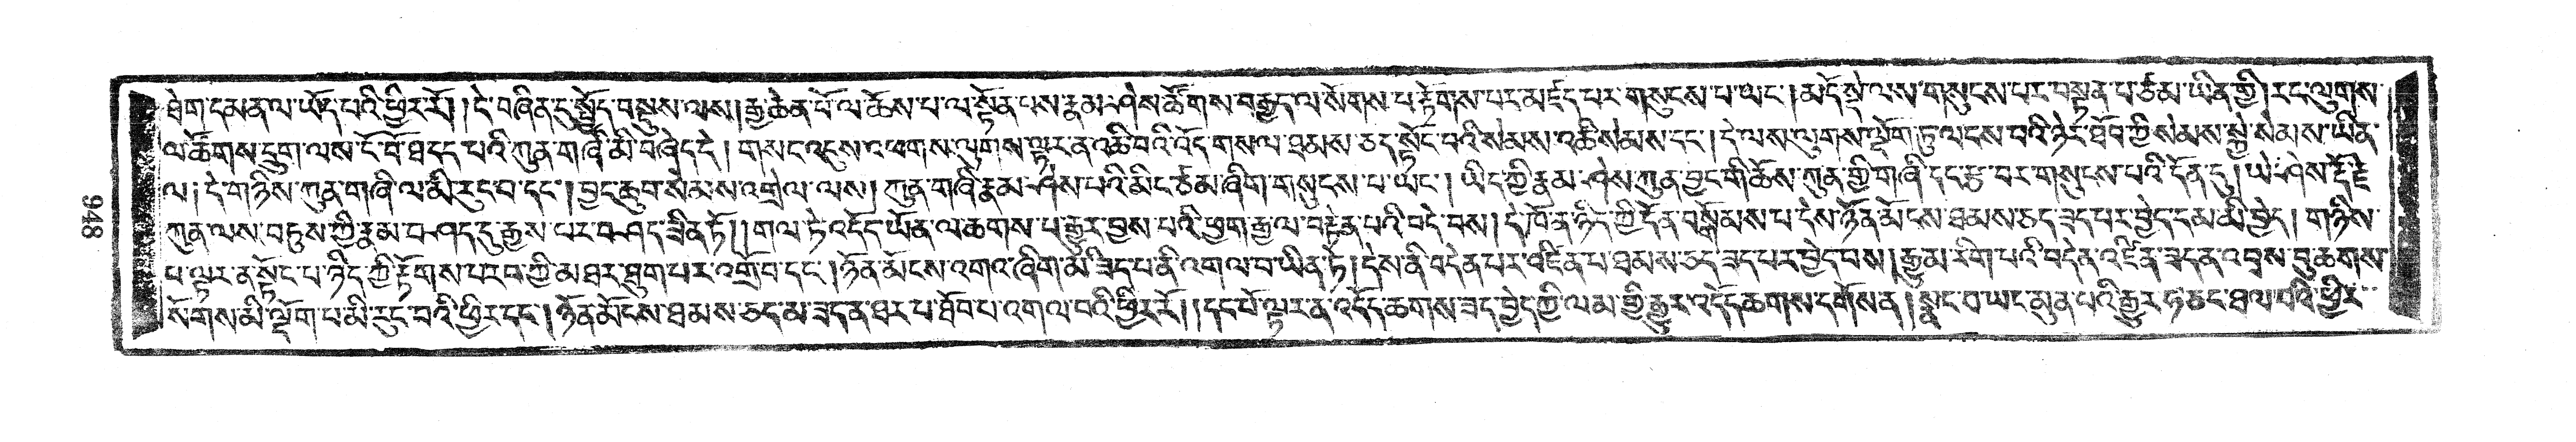ཐེག་དམན་ལ་ཡོད་པའི་ཕྱིར་རོ། །དེ་བཞིན་དུ་སྤྱོད་བསྡུས་ལས། རྒྱ་ཆེན་པོ་ལ་ཆོས་པ་ལ་སྟོན་པས་རྣམ་ཤེས་ཚོགས་བརྒྱད་ལ་སོགས་པ་རྟོགས་པར་མཛད་པར་གསུངས་པ་ཡང་། མདོ་སྡེ་ལས་གསུངས་པར་བསྟན་པ་ཙམ་ཡིན་གྱི། རང་ལུགས་
ལ་ཚེགས་དྲུག་ལས་ངོ་བོ་ཐ་དད་པའི་ཀུན་གཞི་མི་བཞེད་དེ། གསང་འདུས་འཕགས་ལུགས་ལྟར་ན་འཆི་བའི་འོད་གསལ་ཐམས་ཅད་སྟོང་པའི་སེམས་འཆི་སེམས་དང་། དེ་ལས་ལུགས་ལྡོག་ཏུ་ལངས་པའི་ཉེར་ཐོབ་ཀྱི་སེམས་སྐྱེ་སེམས་ཡིན་
ལ། དེ་གཉིས་ཀུན་གཞི་ལ་མི་རུང་བ་དང་། བྱང་ཆུབ་སེམས་འགྲེལ་ལས། ཀུན་གཞི་རྣམ་ཤེས་པའི་མིང་ཙམ་ཞིག་གསུངས་པ་ཡང་། ཡིད་ཀྱི་རྣམ་ཤེས་ཀུན་བྱང་གི་ཆོས་ཀུན་གྱི་གཞི་དང་རྩ་བར་གསུངས་པའི་དོན་དུ། ཡེ་ཤེས་རྡོ་རྗེ་
ཀུན་ལས་བཏུས་ཀྱི་རྣམ་བཤད་དུ་རྒྱས་པར་བཤད་ཟིན་ཏོ། །གལ་ཏེ་འདོད་ཡོན་ལ་ཆགས་པ་རྒྱུར་བྱས་པའི་ཕྱག་རྒྱ་ལ་བརྟེན་པའི་བདེ་བས། དེ་ཁོ་ན་ཉིད་ཀྱི་དོན་བསྒོམས་པ་དེས་ཉོན་མོངས་ཐམས་ཅད་ཟད་པར་བྱེད་དམ་མི་བྱེད། གཉིས་
པ་ལྟར་ན་སྟོང་པ་ཉིད་ཀྱི་རྟོགས་པ་རབ་ཀྱི་མཐར་ཐུག་པར་འགྲོ་བ་དང་། ཉོན་མོངས་འགའ་ཞིག་མི་ཟད་པ་ནི་འགལ་བ་ཡིན་ཏེ། དེས་ནི་བདེན་པར་འཛིན་པ་ཐམས་ཅད་ཟད་པར་བྱེད་པས། རྒྱུ་མ་རིག་པའི་བདེན་འཛིན་ཟད་ན་འབྲས་བུ་ཆགས་
སོགས་མི་ལྡོག་པ་མི་རུང་བའི་ཕྱིར་དང་། ཉོན་མོངས་ཐམས་ཅད་མ་ཟད་ན་ཐར་པ་ཐོབ་པ་འགལ་བའི་ཕྱིར་རོ། །དང་པོ་ལྟར་ན་འདོད་ཆགས་ཟད་བྱེད་ཀྱི་ལམ་གྱི་རྒྱུར་འདོད་ཆགས་དགོས་ན། སྣང་བ་ཡང་མུན་པའི་རྒྱུར་ཧ་ཅང་ཐལ་བའི་ཕྱིར་